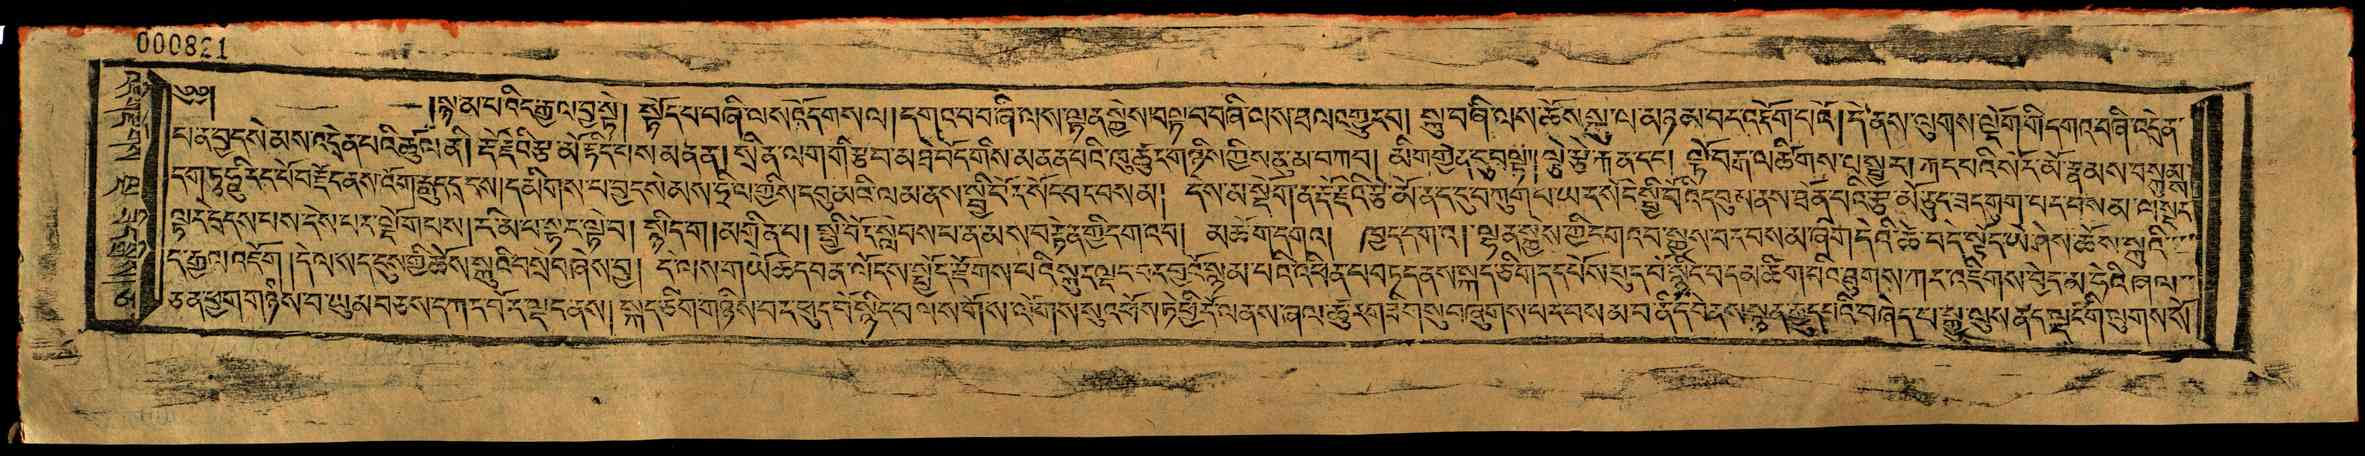༄༅། །སྙམ་པའི་ང་རྒྱལ་བྱ་སྟེ། སྟོང་པ་བཞི་ལས་འོད་གསལ། དགའ་བ་བཞི་ལས་ལྷན་སྐྱེས། ལྟ་བ་བཞི་ལས་ཐལ་འགྱུར་བ། སྐུ་བཞི་ལས་ཆོས་སྐུ་ལ་མཉམ་པར་འཇོག་པའོ། །དེ་ནས་ལུགས་ལྡོག་གི་དགའ་བཞི་འདྲེན་
པ་ན་བྱང་སེམས་འདྲེན་པའི་ཚུལ་ནི། རྡོ་རྗེའི་རྩེ་མོ་རྟིང་པས་མནན། སྲིན་ལག་གི་རྩ་བ་མཐེ་བོང་གིས་མནན་པའི་ཁུ་ཚུར་གཉིས་ཀྱིས་ནུ་མ་བཀབ། མིག་གྱེན་དུ་བལྟ། ལྕེ་རྩེ་རྐན་དང་། ལྟོ་བ་རྒལ་ཚིགས་ལ་སྦྱར། རྐང་པའི་སོར་མོ་རྣམས་བསྐུམས།
ངག་ཏུ་ཧཱུཾ་རིང་པོ་བརྗོད་ནས་འོག་རླུང་དྲངས། དམིགས་པ་བྱང་སེམས་ཧྲིལ་གྱིས་དབུ་མའི་ལམ་ནས་སྤྱི་བོར་སོང་བར་བསམ། དེས་མ་ལྡོག་ན་རྡོ་རྗེའི་རྩེ་མོ་ནང་དུ་བཀུག་པ་ཡར་སོང་སྤྱི་བོའི་དབུ་མ་ནས་ཐོན་པའི་རྩེ་མོ་ཅུང་ཟད་གུག་པར་བསམ་ལ་སྔར་
ལྟར་དྲངས་པས་ངེས་པར་ལྡོག་པས། རིམ་པ་ལྟར་ལྟེ་བ། སྙིང་ག། མགྲིན་པ། སྤྱི་བོར་སླེབས་པ་ན་མས་བརྟེན་གྱི་དགའ་བ། མཆོག་དགའ། ཁྱད་དགའ། ལྷན་སྐྱེས་ཀྱི་དགའ་བ་སྐྱེས་པར་བསམ་ཞིང་། དེའི་ཚེ་བདེ་སྟོང་ཡེ་ཤེས་ཆོས་སྐུའི་
ང་རྒྱལ་འཇོག །དེ་ལ་སད་དུས་ཀྱི་ཆོས་སྐུའི་བསྲེ་བ་ཞེས་བྱ། དེ་ལས་གཡོ་ཚད་པ་ན་ལོངས་སྤྱོད་རྫོགས་པའི་སྐུར་ལྡང་བར་བྱའོ་སྙམ་པའི་འཕེན་པ་བཏང་ནས་སྐད་ཅིག་དང་པོས་ཕུང་པོ་རྙིང་པ་དམ་ཚིག་པའི་ཐུགས་ཀར་འཇིགས་བྱེད་མ་ཧེའི་ཞལ་
ཅན་ཕྱག་གཉིས་པ་ཡུམ་བཅས་དཀར་པོར་ལྡང་ནས། སྐད་ཅིག་གཉིས་པར་ཕུང་པོ་རྙིང་པ་ལས་གོ་ས་ལོགས་སུ་འཕོས་ཏེ་ཕྱི་རོལ་ནས་ཞལ་ཚུར་གཟིགས་སུ་བཞུགས་པར་བསམ་པ་ནི་དབེན་ས་སྙན་རྒྱུད་པའི་བཞེད་པ་སྒྱུ་ལུས་ནང་ལྡང་གི་ལུགས་སོ།།